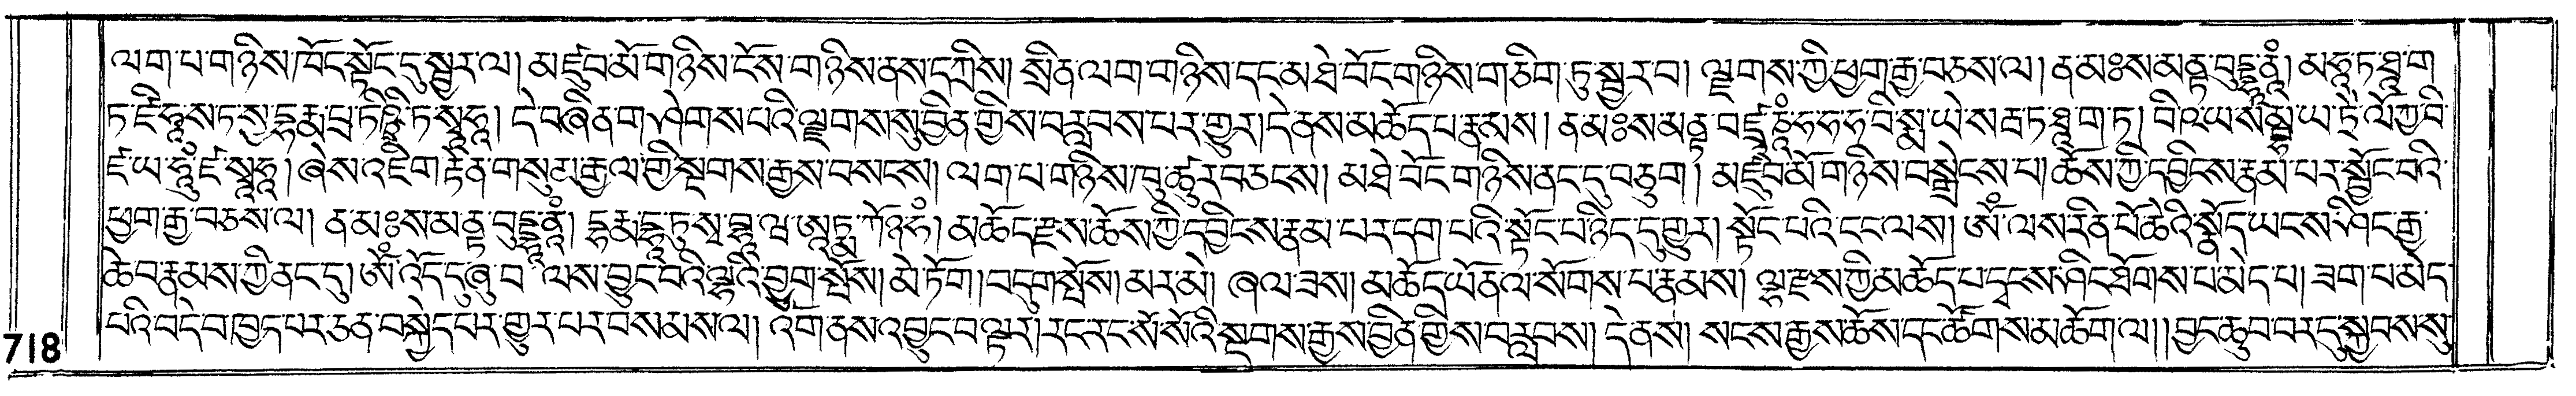ལག་པ་གཉིས་ཁོང་སྟོང་དུ་སྦྱར་ལ། མཛུབ་མོ་གཉིས་ངོས་གཉིས་ནས་དཀྲིས། སྲིན་ལག་གཉིས་དང་མཐེ་བོང་གཉིས་གཅིག་ཏུ་སྦྱར་བ། ལྗགས་ཀྱི་ཕྱག་རྒྱ་བཅས་ལ། ན་མཿ ས་མནྟ་བུདྡྷཱ་ནཱཾ། མཧཱ་ཏ་ཐཱ་ག་
ཏ་ཛི་ཧྭཱུ་ས་ཏ་སྱ་དྷརྨ་པྲ་ཏི་ཥཊཿཨི་ཏ་སྭཱཧཱ། དེ་བཞིན་གཤེགས་པའི་ལྗགས་སུ་བྱིན་གྱིས་བརླབས་པར་གྱུར། དེ་ནས་མཆོད་པ་རྣམས། ན་མཿ ས་མནྟ་བཛྲཱ་ཎཱཾ་ཧ་ཧ་ཧ་བི་སྨ་ཡེ་སརྦ་ཏ་ཐཱ་ག་ཏ། བི་ཥ་ཡ་སམྦྷ་ཡ་ཏྲཻ་ལོ་ཀྱ་བི་
ཛ་ཡ་ཧཱུཾ་ཛ་སྭཱཧཱ། ཞེས་འཇིག་རྟེན་གསུམ་རྒྱལ་གྱི་སྔགས་རྒྱས་བསངས། ལག་པ་གཉིས་ཁུ་ཚུར་བཅངས། མཐེ་བོང་གཉིས་ནང་དུ་བཅུག །མཛུབ་མོ་གཉིས་བསྒྲེངས་པ། ཆོས་ཀྱི་དབྱིངས་རྣམ་པར་སྦྱོང་བའི་
ཕྱག་རྒྱ་བཅས་ལ། ན་མཿ ས་མནྟ་བུདྡྷཱ་ནཱཾ། དྷརྨ་དྷཱ་ཏུ་སྭ་བྷཱ་ཝ་ཨཱཏྨ་ཀོཉ་ཧཾ། མཆོད་རྫས་ཆོས་ཀྱི་དབྱིངས་རྣམ་པར་དག་པའི་སྟོང་པ་ཉིད་དུ་གྱུར། སྟོང་པའི་ངང་ལས། ཨོཾ་ལས་རིན་པོ་ཆེའི་སྣོད་ཡངས་ཤིང་རྒྱ་
ཆེ་བ་རྣམས་ཀྱི་ནང་དུ། ཨོཾ་འོད་དུ་ཞུ་བ་ལས་བྱུང་བའི་ལྷའི་བྱུག་སྤོས། མེ་ཏོག །བདུག་སྤོས། མར་མེ། ཞལ་ཟས། མཆོད་ཡོན་ལ་སོགས་པ་རྣམས། ལྷ་རྫས་ཀྱི་མཆོད་པ་དྭངས་ཤིང་ཐོགས་པ་མེད་པ། ཟག་པ་མེད་
པའི་བདེ་བ་ཁྱད་པར་ཅན་བསྐྱེད་པར་གྱུར་པར་བསམས་ལ། འོག་ནས་འབྱུང་བ་ལྟར། རང་རང་སོ་སོའི་སྔགས་རྒྱས་བྱིན་གྱིས་བརླབས། དེ་ནས། སངས་རྒྱས་ཆོས་དང་ཚོགས་མཆོག་ལ། །བྱང་ཆུབ་བར་དུ་སྐྱབས་སུ་